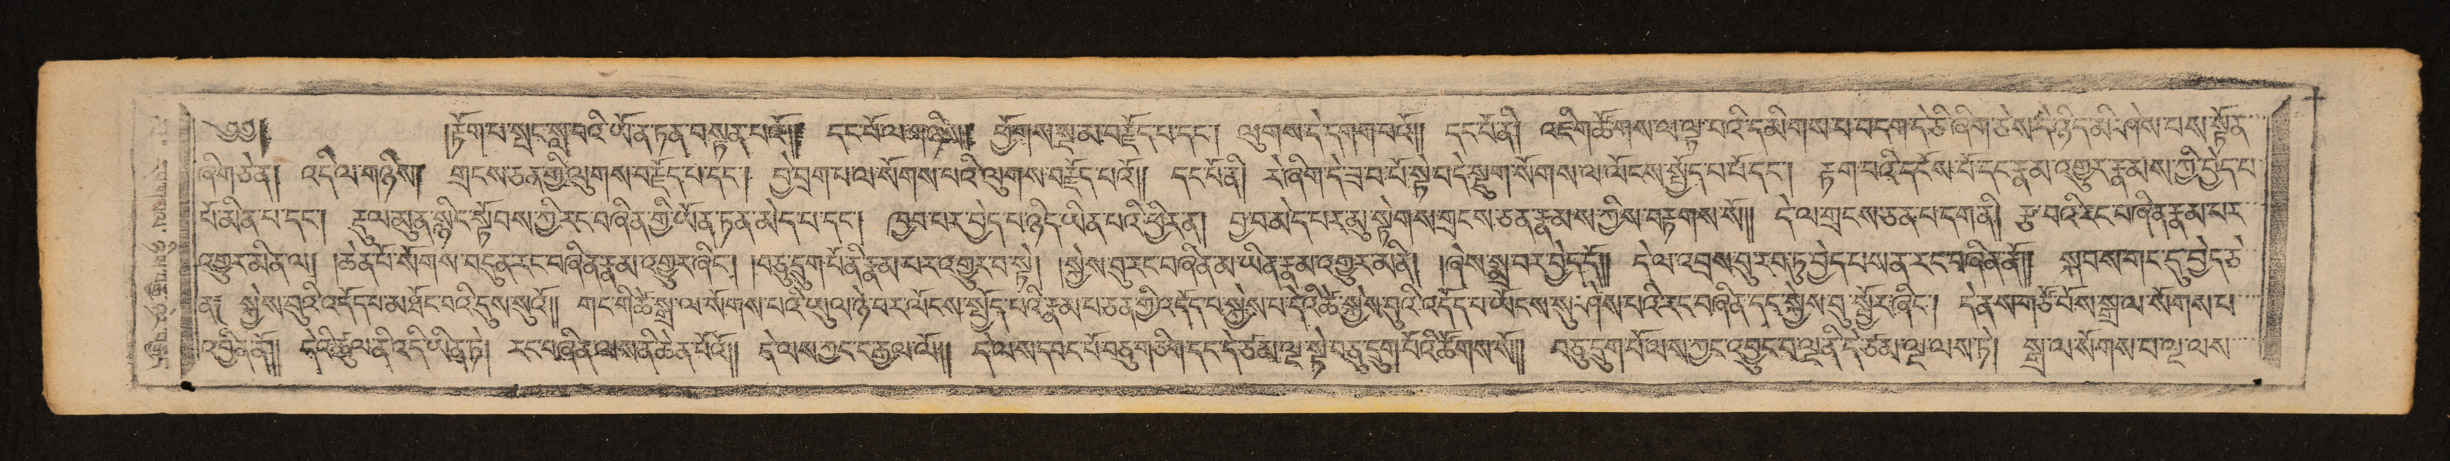༄༅། །རྟོག་པ་སྤང་སླ་བའི་ཡོན་ཏན་བསྟན་པའོ།། དང་པོ་ལ་གཉིས། ཕྱོགས་སྔ་མ་བརྗོད་པ་དང་། ལུགས་དེ་དགག་པའོ།། དང་པོ་ནི། འཇིག་ཚོགས་ལ་ལྟ་བའི་དམིགས་པ་བདག་དེ་ཅི་ཞིག་ཅེས་དེ་ཉིད་མི་ཤེས་པས་སྟོན་
ཞིག་ཅེ་ན། འདི་ལ་གཉིས། གྲངས་ཅན་གྱི་ལུགས་བརྗོད་པ་དང་། བྱེ་བྲག་པ་ལ་སོགས་པའི་ལུགས་བརྗོད་པའོ།། དང་པོ་ནི། རེ་ཞིག་དེ་ཟ་བ་པོ་སྟེ་བདེ་སྡུག་སོགས་ལ་ལོངས་སྤྱོད་པ་པོ་དང་། རྟག་པའི་དངོས་པོ་དང་རྣམ་འགྱུར་རྣམས་ཀྱི་བྱེད་པ་
པོ་མིན་པ་དང་། རྡུལ་མུན་སྙིང་སྟོབས་ཀྱི་རང་བཞིན་གྱི་ཡོན་ཏན་མེད་པ་དང་། ཁྱབ་པར་བྱེད་པ་ཉིད་ཡིན་པའི་ཕྱིར་ན། བྱ་བ་མེད་པར་མུ་སྟེགས་གྲངས་ཅན་རྣམས་ཀྱིས་བརྟགས་སོ།། དེ་ལ་གྲངས་ཅན་པ་དག་ནི། རྩ་བའི་རང་བཞིན་རྣམ་པར་
འགྱུར་མིན་ལ། །ཆེན་པོ་སོགས་བདུན་རང་བཞིན་རྣམ་འགྱུར་ཞིང་། །བཅུ་དྲུག་པོ་ནི་རྣམ་པར་འགྱུར་བ་སྟེ། །སྐྱེས་བུ་རང་བཞིན་རྣམ་འགྱུར་མིན། །ཞེས་སྨྲ་བར་བྱེད་དོ།། དེ་ལ་འབྲས་བུ་རབ་ཏུ་བྱེད་པས་ན་རང་བཞིན་ནོ།། སྐབས་གང་དུ་བྱེད་ཅེ་
ན༑ སྐྱེས་བུའི་འདོད་པ་མཐོང་བའི་དུས་སུའོ།། གང་གི་ཚེ་སྒྲ་ལ་སོགས་པའི་ཡུལ་ཉེ་བར་ལོངས་སྤྱོད་པའི་རྣམ་པ་ཅན་གྱི་འདོད་པ་སྐྱེས་པ་དེའི་ཚེ་སྐྱེས་བུའི་འདོད་པ་ཡོངས་སུ་ཤེས་པའི་རང་བཞིན་དང་སྐྱེས་བུ་སྦྱོར་ཞིང་། དེ་ནས་གཙོ་བོས་སྒྲ་ལ་སོགས་པ་
འབྱིན་ནོ།། དེའི་ཚུལ་ནི་འདི་ཡིན་ཏེ། རང་བཞིན་ལས་ནི་ཆེན་པོའོ།། དེ་ལས་ཀྱང་ང་རྒྱལ་ལོ།། དེ་ལས་དབང་པོ་བཅུ་གཅིག་དང་དེ་ཙམ་ལྔ་སྟེ་བཅུ་དྲུག་པོའི་ཚོགས་སོ།། བཅུ་དྲུག་པོ་ལས་ཀྱང་འབྱུང་བ་ལྔ་ནི་དེ་ཙམ་ལྔ་ལས་ཏེ། སྒྲ་ལ་སོགས་པ་ལྔ་ལས་